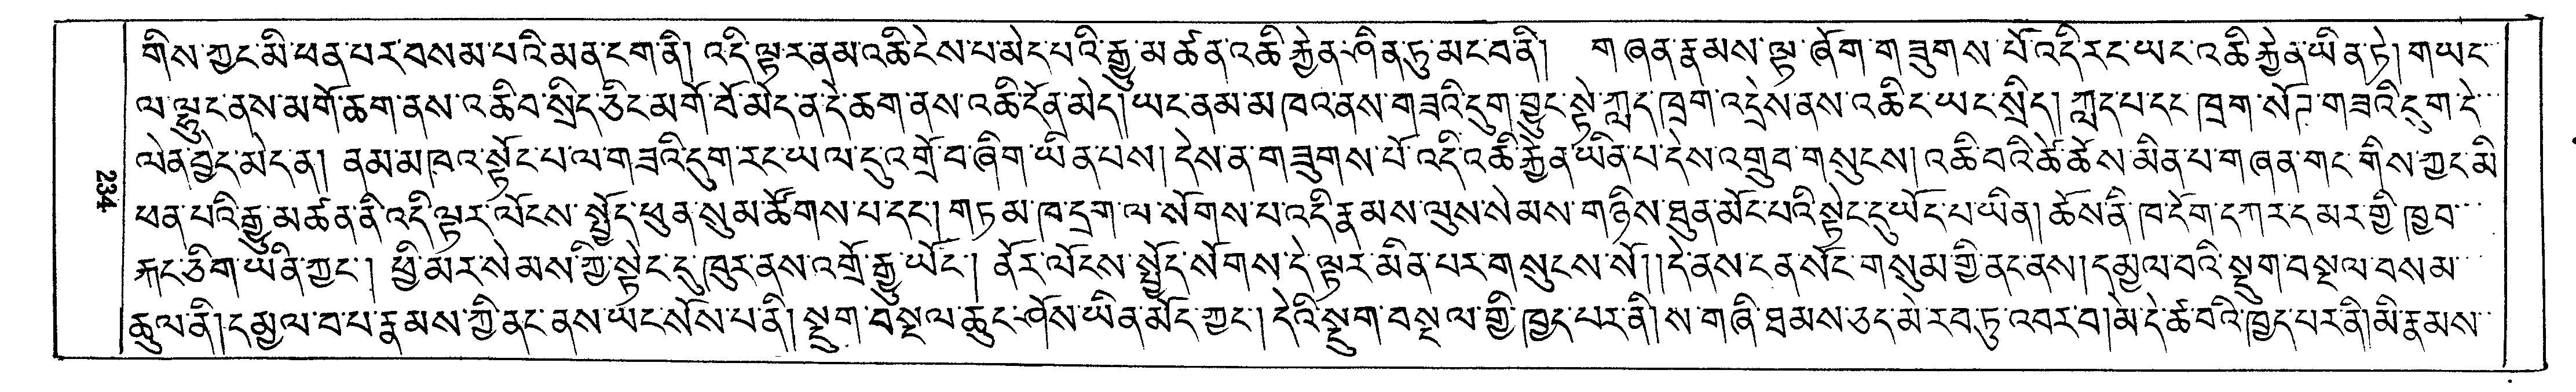གིས་ཀྱང་མི་ཕན་པར་བསམ་པའི་མན་ངག་ནི། འདི་ལྟར་ནམ་འཆི་ངེས་པ་མེད་པའི་རྒྱུ་མཚན་འཆི་རྐྱེན་ཤིན་ཏུ་མང་བ་ནི། གཞན་རྣམས་ལྟ་ཞོག་གཟུགས་པོ་འདི་རང་ཡང་འཆི་རྐྱེན་ཡིན་ཏེ། གཡང་
ལ་ལྷུང་ནས་མགོ་ཆག་ནས་འཆི་བ་སྲིད་ཅིང་མགོ་བོ་མེད་ན་དེ་ཆག་ནས་འཆི་དོན་མེད། ཡང་ནམ་མཁའ་ནས་གཟའི་དུག་བྱུང་སྟེ་ཀླད་ཁྲག་འདྲེས་ནས་འཆི་བ་ཡང་སྲིད། ཀླད་པ་དང་ཁྲག་སོཌ་གཟའི་དུག་དེ་
ལེན་བྱེད་མེད་ན། ནམ་མཁའ་སྟོང་པ་ལ་གཟའི་དུག་རང་ཡལ་དུ་འགྲོ་བ་ཞིག་ཡིན་པས། དེས་ན་གཟུགས་པོ་འདི་འཆི་རྐྱེན་ཡིན་པ་དེས་འགྲུབ་གསུངས། འཆི་བའི་ཚེ་ཆོས་མིན་བ་གཞན་གང་གིས་ཀྱང་མི་
ཕན་པའི་རྒྱུ་མཚན་ནི་འདི་ལྟར་ལོངས་སྤྱོད་ཕུན་སུམ་ཚོགས་པ་དང་། གཏམ་ཁ་དྲག་ལ་སོགས་པ་འདི་རྣམས་ལུས་སེམས་གཉིས་ཐུན་མོང་པའི་སྟེང་དུ་ཡོང་བ་ཡིན། ཆོས་ནི་ཁ་དོག་དཀར་དམར་གྱི་ཁྱབ་
རྐང་ཅིག་ཡིན་ཀྱང་། ཕྱི་མར་སེམས་ཀྱི་སྟེང་དུ་ཁུར་ནས་འགྲོ་རྒྱུ་ཡོང་། ནོར་ལོངས་སྤྱོད་སོགས་དེ་ལྟར་མིན་པར་གསུངས་སོ། །དེ་ནས་ངན་སོང་གསུམ་གྱི་ནང་ནས། དམྱལ་བའི་སྡུག་བསྔལ་བསམ་
ཚུལ་ནི། དམྱལ་བ་པ་རྣམས་ཀྱི་ནང་ནས་ཡང་སོས་པ་ནི། སྡུག་བསྔལ་ཆུང་ཤོས་ཡིན་མོད་ཀྱང་། དེའི་སྡུག་བསྔལ་གྱི་ཁྱད་པར་ནི། ས་གཞི་ཐམས་ཅད་མེ་རབ་ཏུ་འབར་བ། མེ་དེ་ཚ་བའི་ཁྱད་པར་ནི། མི་རྣམས་